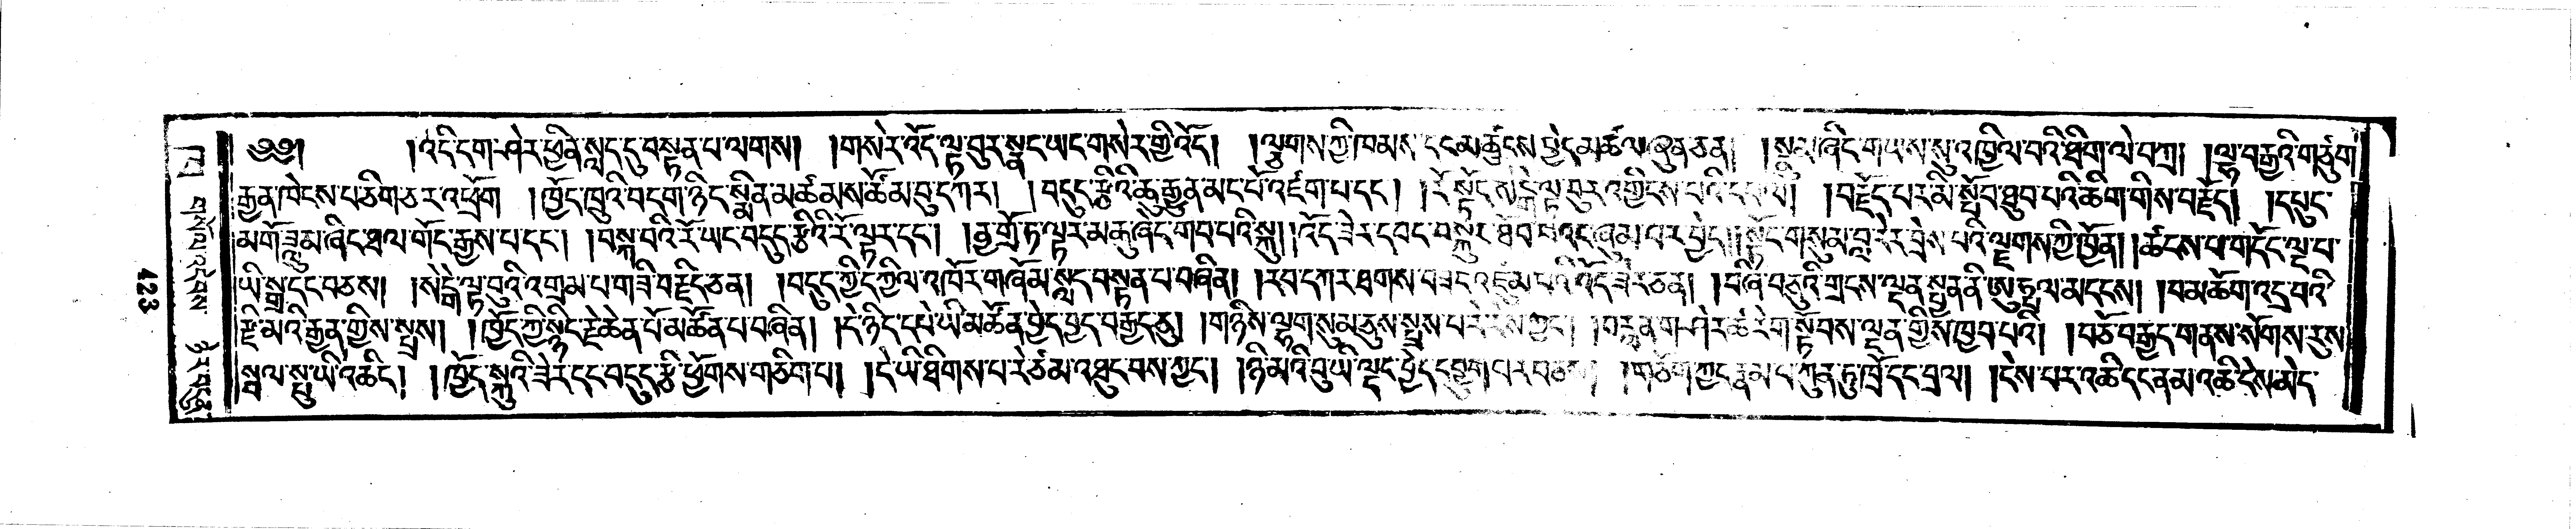༄༅། །འདི་དག་ཤེར་ཕྱིན་སླད་དུ་བསྟན་པ་ལགས། །གསེར་འོད་ལྟ་བུར་སྣང་ཡང་གསེར་གྱི་འོད། །ལྕགས་ཀྱི་ཁམས་དང་མཚུངས་བྱེད་མཚལ་ཞུན་ཅན། །སྣུམ་ཞིང་གཡས་སུ་འཁྱིལ་བའི་ཐིག་ལེ་བཀྲ། །ལྷ་བརྒྱའི་གཙུག་
རྒྱན་ཁེངས་པ་ཅིག་ཅར་འཕྲོག །ཁྱོད་ཁྲུའི་བདག་ཉིད་སྨིན་མཚམས་ཚོམ་བུ་དཀར། །བདུད་རྩིའི་ཆུ་རྒྱུན་མང་པོ་འཛག་པ་དང་། །རོ་སྟོད་སེངྒེ་ལྟ་བུར་འགྱིངས་པའི་དཔལ། །བརྗོད་པར་མི་སྤོབ་ཐུབ་པའི་ཆིག་གིས་བརྗོད། །དཔུང་
མགོ་ཟླུམ་ཞིང་ཐལ་གོང་རྒྱས་པ་དང་། །བསྐ་བའི་རོ་ཡང་བདུད་རྩིའི་རོ་ལྟར་དང་། །ནྱ་གྲོ་ཏ་ལྟར་མཆུ་ཞེང་གབ་པའི་སྐུ། །འོད་ཟེར་དབང་བསྐུར་ཐོབ་པའང་ཞུམ་པར་བྱེད། །སྟོང་གསུམ་བླ་རེར་བྲེས་པའི་ལྗགས་ཀྱི་ཁྱོན། །ཚངས་པ་གདོང་ལྔ་པ་
ཡི་སྒྲ་དང་བཅས། །སེངྒེ་ལྟ་བུའི་འགྲམ་པ་གཟི་བརྗིད་ཅན། །བདུད་ཀྱི་དཀྱིལ་འཁོར་གཞོམ་སླད་བསྟན་པ་བཞིན། །རབ་དཀར་ཐགས་བཟང་འཛུམ་པའི་འོད་ཟེར་ཅན། །བཞི་བཅུའི་གྲངས་ལྡན་སྤྱན་ནི་ཨུཏྤལ་མདངས། །བ་མཆོག་འདྲ་བའི་
རྫི་མའི་རྒྱན་གྱིས་སྤྲས། །ཁྱོད་ཀྱི་སྙིང་རྗེ་ཆེན་པོ་མཚོན་པ་བཞིན། །དེ་ཉིད་དཔེ་ཡི་མཚོན་བྱེད་བྱད་བརྒྱད་ཅུ། །གཉིས་ལྷག་སུམ་ཅུས་སྤྲས་པ་རེ་རེས་ཀྱང་། །བརླན་གཤེར་ཚ་རེག་སྟོབས་ལྡན་གྱིས་ཁྱབ་པའི། །བཅོ་བརྒྱད་གནས་སོགས་རུས་
སྦལ་སྤུ་ཡི་འཆིང་། །ཁྱོད་སྐུའི་ཟེར་དང་བདུད་རྩི་ཕྱོགས་གཅིག་པ། །དེ་ཡི་ཐིགས་པ་རེ་ཙམ་འཐུང་བས་ཀྱང་། །ཉི་མའི་བུ་ཡི་ལྡང་བྱེད་དབྱུག་པར་བཅས། །གཅོག་ཀྱང་རྣམ་པ་ཀུན་ཏུ་ཁྲོ་དང་བྲལ། །ངེས་པར་འཆི་དང་ནམ་འཆི་ངེས་མེད་